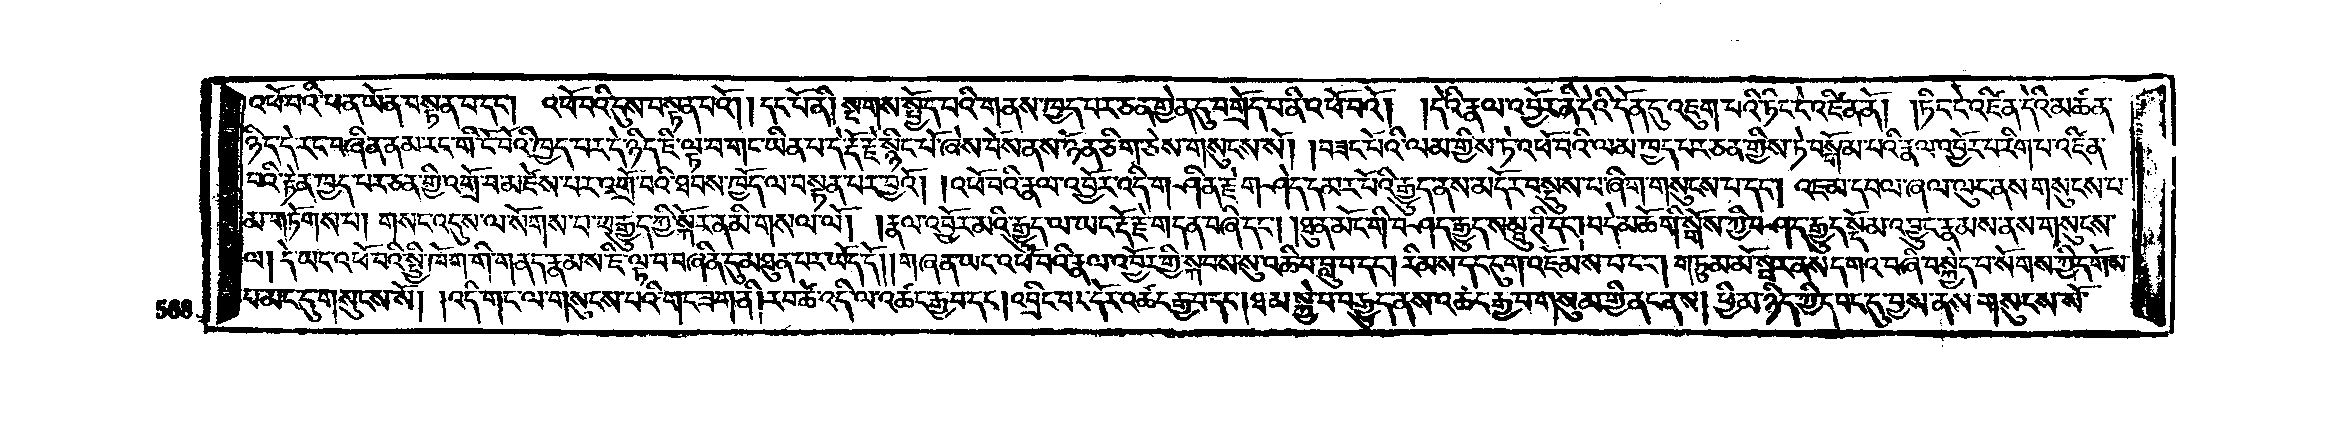འཕོ་བའི་ཕན་ཡོན་བསྟན་པ་དང་། འཕོ་བའི་དུས་བསྟན་པའོ། །དང་པོ་ནི། སྔགས་སྤྱོད་པའི་གནས་ཁྱད་པར་ཅན་གྱེན་དུ་བགྲོད་པ་ནི་འཕོ་བའོ། །དེའི་རྣལ་འབྱོར་ནི་དེའི་དོན་དུ་འཇུག་པའི་ཏིང་ངེ་འཛིན་ནོ། །ཏིང་ངེ་འཛིན་དེའི་མཚན་
ཉིད་དེ་རང་བཞིན་ནམ་རང་གི་ངོ་བོའི་ཁྱད་པར་དེ་ཉིད་ཇི་ལྟ་བ་གང་ཡིན་པ་དེ་རྡོ་རྗེ་སྙིང་པོ་ཞེས་བོས་ནས་ཉོན་ཅིག་ཅེས་གསུངས་སོ། །བཟང་པོའི་ལམ་གྱིས་ཏེ་འཕོ་བའི་ལམ་ཁྱད་པར་ཅན་གྱིས་ཏེ་བསྒོམ་པའི་རྣལ་འབྱོར་པ་རིག་པ་འཛིན་
པའི་རྟེན་ཁྱད་པར་ཅན་གྱི་འགྲོ་བ་མཛེས་པར་འགྲོ་བའི་ཐབས་ཁྱོད་ལ་བསྟན་པར་བྱའོ། །འཕོ་བའི་རྣལ་འབྱོར་འདི་གཤིན་རྗེ་གཤེད་དམར་པོའི་རྒྱུད་ནས་མདོར་བསྡུས་པ་ཞིག་གསུངས་པ་དང་། འཇམ་དཔལ་ཞལ་ལུང་ནས་གསུངས་པ་
མ་གཏོགས་པ། གསང་འདུས་ལ་སོགས་པ་ཕ་རྒྱུད་ཀྱི་སྐོར་ན་མི་གསལ་ལོ། །རྣལ་འབྱོར་མའི་རྒྱུད་ལ་ཡང་རྡོ་རྗེ་གདན་བཞི་དང་། །ཐུན་མོང་གི་བཤད་རྒྱུད་སམྦུ་ཊི་དང་། བདེ་མཆོག་གི་སྒོས་ཀྱི་བཤད་རྒྱུད་སྡོམ་འབྱུང་རྣམས་ནས་གསུངས་
ལ། དེ་ཡང་འཕོ་བའི་སྤྱི་ཁོག་གི་གནད་རྣམས་ཇི་ལྟ་བ་བཞིན་དུ་མཐུན་པར་ཡོད་དོ། །གཞན་ཡང་འཕོ་བའི་རྣལ་འབྱོར་གྱི་སྐབས་སུ་འཆི་བ་བླུ་བ་དང་། རིམས་དང་དུག་འཇོམས་པ་དང་། གཏུམ་མོ་སྦར་ནས་དགའ་བཞི་བསྐྱེད་པ་སོགས་ཀྱི་དགོས་
པ་མང་དུ་གསུངས་སོ། །འདི་གང་ལ་གསུངས་པའི་གང་ཟག་ནི། རབ་ཚེ་འདི་ལ་འཚང་རྒྱ་བ་དང་། འབྲིང་བར་དོར་འཚང་རྒྱ་བ་དང་། ཐ་མ་སྐྱེ་བ་བརྒྱུད་ནས་འཚང་རྒྱ་བ་གསུམ་གྱི་ནང་ནས། ཕྱི་མ་ཉིད་ཀྱི་དབང་དུ་བྱས་ནས་གསུངས་སོ་